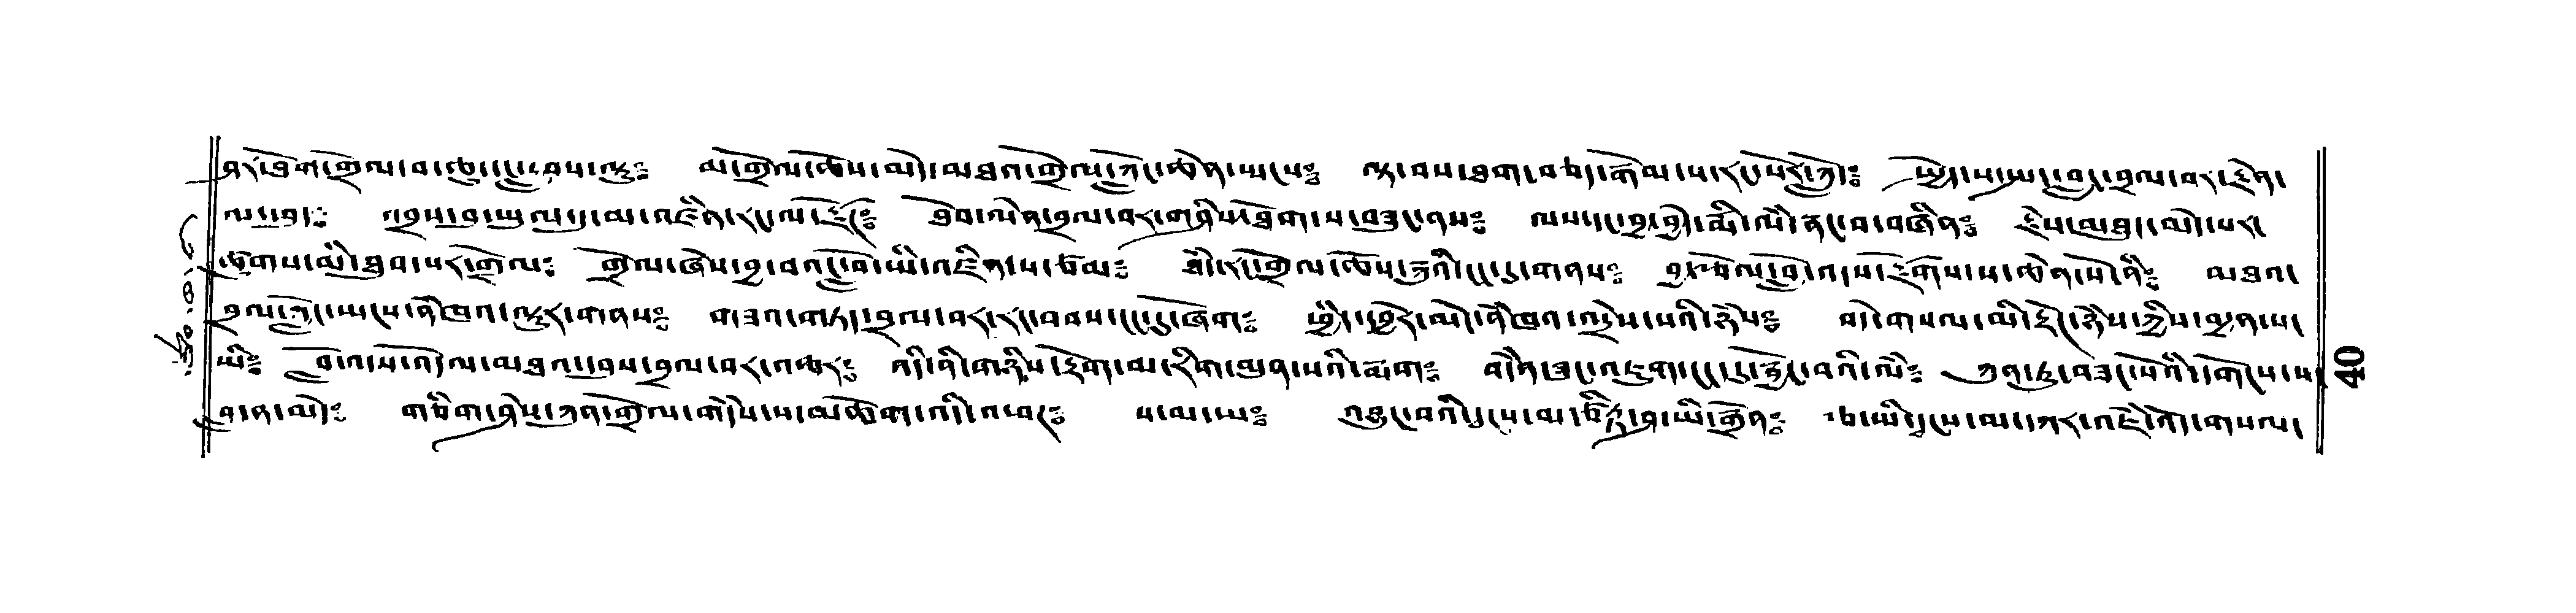ཤར་ཐོག་གྲོལ་བ་ཆུ་དང་རླབས་ལྟ་བུ༔ མ་གྲོལ་ཆོས་མེད་མཐའ་གྲོལ་ཀློང་ཆེན་ཡངས༔ ལྟ་བས་ཐག་བཅད་སྒོམ་པ་རང་སོར་ཀློད༔ སྤྱོད་པ་སྤང་བླང་བྲལ་བར་རྗེན་
ལ་ཕུད༔ འབྲས་བུ་ཡུལ་དུ་མ་འཛིན་རང་ལ་རྫོགས༔ ཐོབ་ལེན་བྲལ་བར་གཤིས་ཐོག་ས་བཟུང་ནས༔ ལས་དང་བྱ་བྱེད་རྨི་ལམ་སྣང་བ་བཞིན༔ རྗེས་མཐུད་མེད་པར་
ཚུགས་མི་ཐུབ་པར་གྲོལ༔ གྲོལ་ཞེས་བྱ་བའི་བློ་ཡི་འཛིན་པ་ཙམ༔ ཐམས་ཅད་རང་གྲོལ་ཆོས་སྐུའི་ངང་དུ་གནས༔ བྱ་རྩོལ་བློ་འདས་རྫོགས་པ་ཆེན་པོ་ནི༔ མཐའ་
བྲལ་ཀློང་ཡངས་ནམ་མཁའ་ལྟ་བུར་གནས༔ གཟའ་གཏད་བྲལ་བར་རང་བབས་ངང་དུ་ཞོག༔ ཕྱི་ནང་དབྱེར་མེད་ནམ་མཁའ་འདྲེས་པའི་ཉམས༔ བདེ་གསལ་མི་རྟོག་ཉམས་ཀྱིས་བརྒྱན་པ་
ཡི༔ བློ་འདས་འོད་གསལ་མཐའ་དབུས་བྲལ་བར་འཆར༔ འདི་ནི་གཉིས་རྟོག་མ་རིག་མུན་པའི་སྨག༔ བདེ་ཆེན་ཟུང་འཇུག་ངང་དུ་སྦྱོང་བའི་ལམ༔ ཀུན་ཏུ་བཟང་པོའི་དགོངས་པ་
བླ་ན་མེད༔ གཅིག་ཤེས་ཀུན་གྲོལ་གདམས་པ་མཆོག་འདི་འཕགས༔ ས་མ་ཡ༔ འབྱུང་བའི་དྭངས་མ་ཙིཏྟ་ཤ་ཡི་སྒྲོན༔ རྩ་ཡི་དྭངས་མ་དཀར་འཇམ་འོད་གསལ་